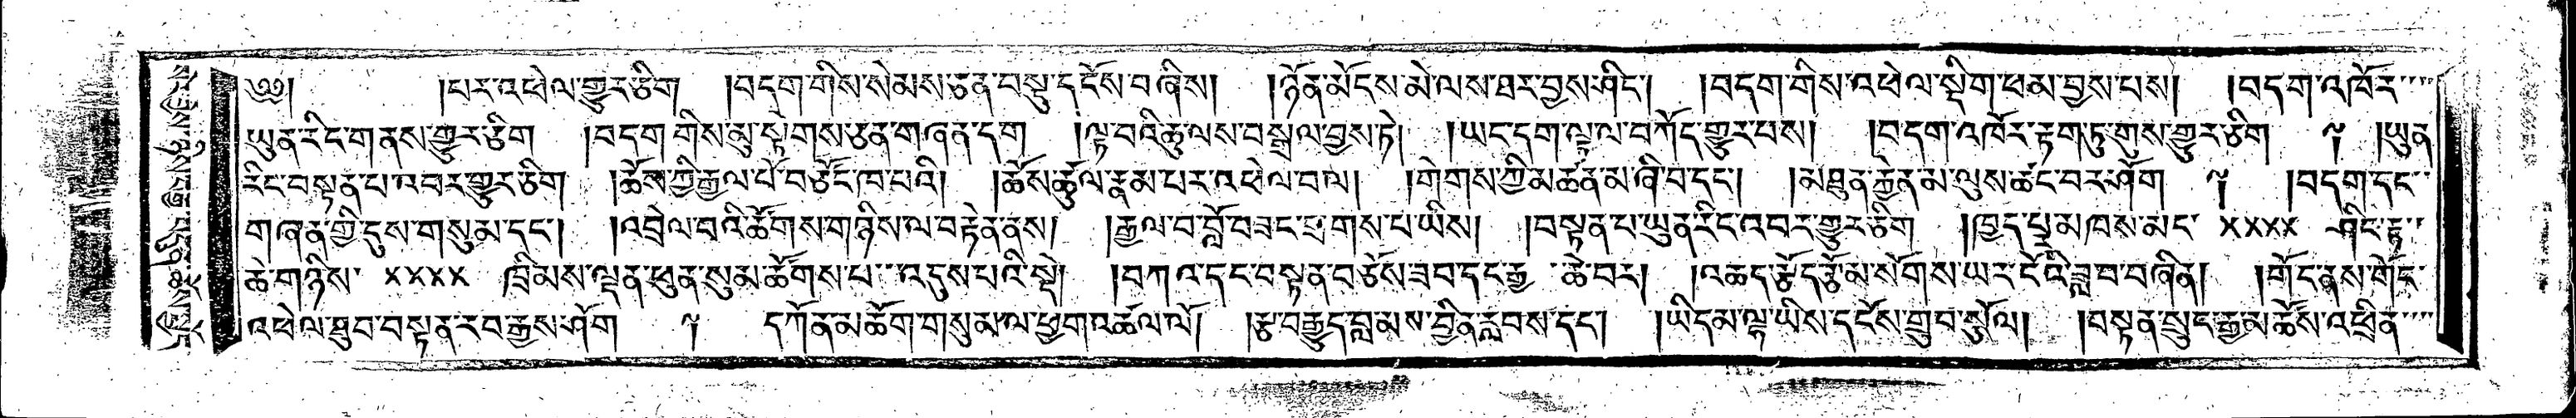༄༅། །པར་འཕེལ་གྱུར་ཅིག །བདག་གིས་སེམས་ཅན་བསྡུ་དངོས་བཞིས། །ཉོན་མོངས་མེ་ལས་ཐར་བྱས་ཤིང་། །བདག་གིས་འཕེལ་སྡིག་ཕམ་བྱས་པས། །བདག་འཁོར་
ཡུན་རིང་གནས་གྱུར་ཅིག །བདག་གིས་མུ་སྟེགས་ཅན་གཞན་དག །ལྟ་བའི་ཆུ་ལས་བསྒྲལ་བྱས་ཏེ། །ཡང་དག་ལྟ་ལ་བཀོད་གྱུར་པས། །བདག་འཁོར་རྟག་ཏུ་གུས་གྱུར་ཅིག ༈ །ཡུན་
རིང་བསྟན་པ་འབར་གྱུར་ཅིག །ཆོས་ཀྱི་རྒྱལ་པོ་བཙོང་ཁ་པའི། །ཆོས་ཚུལ་རྣམ་པར་འཕེལ་བ་ལ། །གེགས་ཀྱི་མཚན་མ་ཞི་བ་དང་། །མཐུན་རྐྱེན་མ་ལུས་ཚང་བར་ཤོག ༈ །བདག་དང་
གཞན་གྱི་དུས་གསུམ་དང་། །འབྲེལ་བའི་ཚོགས་གཉིས་ལ་བརྟེན་ནས། །རྒྱལ་བ་བློ་བཟང་གྲགས་པ་ཡིས། །བསྟན་པ་ཡུན་རིང་འབར་གྱུར་ཅིག །ཁྱད་པར་མཁས་མང་{྾་྾་྾་྾}་ཤིང་རྟ་
ཆེ་གཉིས་{྾་྾་྾་྾}་ཁྲིམས་ལྡན་ཕུན་སུམ་ཚོགས་པ་འདུས་པའི་སྡེ། །བཀའ་དང་བསྟན་བཅོས་ཟབ་དང་རྒྱ་ཆེ་བར། །འཆད་རྩོད་རྩོམ་སོགས་ཡར་ངོའི་ཟླ་བ་བཞིན། །གོང་ནས་གོང་
འཕེལ་ཐུབ་བསྟན་རབ་རྒྱས་ཤོག ༈ དཀོན་མཆོག་གསུམ་ལ་ཕྱག་འཚལ་ལོ། །རྩ་བརྒྱུད་བླ་མས་བྱིན་རླབས་དང་། །ཡིད་དམ་ལྷ་ཡིས་དངོས་གྲུབ་སྩོལ། །བསྟན་སྲུང་རྒྱ་མཚོས་འཕྲིན་